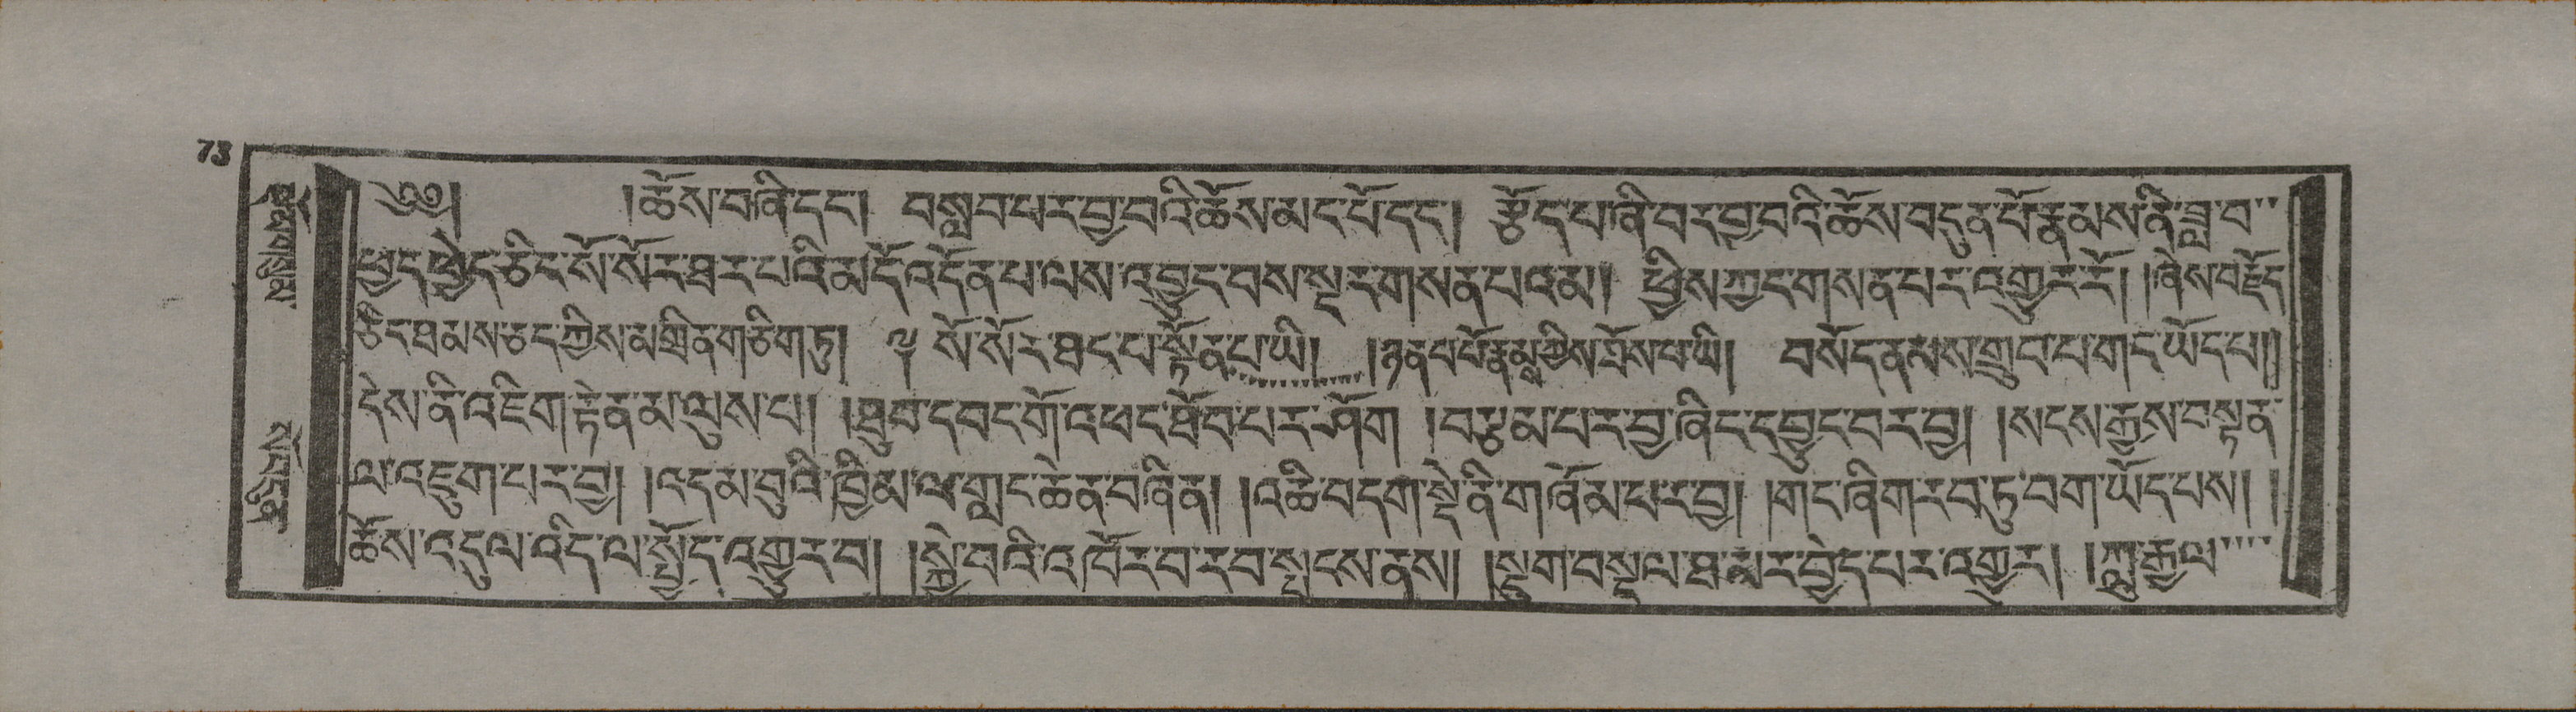༄༅། །ཆོས་བཞི་དང་། བསླབ་པར་བྱ་བའི་ཆོས་མང་པོ་དང་། རྩོད་པ་ཞི་བར་བྱ་བའི་ཆོས་བདུན་པོ་རྣམས་ནི་ཟླ་བ་
ཕྱད་ཕྱེད་ཕྱེད་ཅིང་སོ་སོར་ཐར་པའི་མདོ་འདོན་པ་ལས་འབྱུང་བས་སྔར་གསན་པའམ། ཕྱིས་ཀྱང་གསན་པར་འགྱུར་རོ། །ཞེས་བརྗོད་
ཅིང་ཐམས་ཅད་ཀྱིས་མགྲིན་གཅིག་ཏུ། ༈ སོ་སོར་ཐང་ཐར་པ་སྟོན་པ་ཡི། །ཉན་པ་པོ་རྣམས་ཀྱིས་ཐོས་པ་ཡི། བསོད་ནམས་གྲུབ་པ་གང་ཡོད་པ། །
དེས་ནི་འཇིག་རྟེན་མ་ལུས་པ། །ཐུབ་དབང་གོ་འཕང་ཐོབ་པར་ཤོག །བརྩམ་པར་བྱ་ཞིང་དབྱུང་བར་བྱ། །སངས་རྒྱས་བསྟན་
ལ་འཇུག་པར་བྱ། །འདམ་བུའི་ཁྱིམ་ལ་གླང་ཆེན་བཞིན། །འཆི་བདག་སྡེ་ནི་གཞོམ་པར་བྱ། །གང་ཞིག་རབ་ཏུ་བག་ཡོད་པས། །
ཆོས་འདུལ་འདི་ལ་སྤྱོད་འགྱུར་བ། །སྐྱེ་བའི་འཁོར་བ་རབ་སྤངས་ནས། །སྡུག་བསྔལ་ཐ་མར་བྱེད་པར་འགྱུར། །ཀླུ་རྒྱལ་